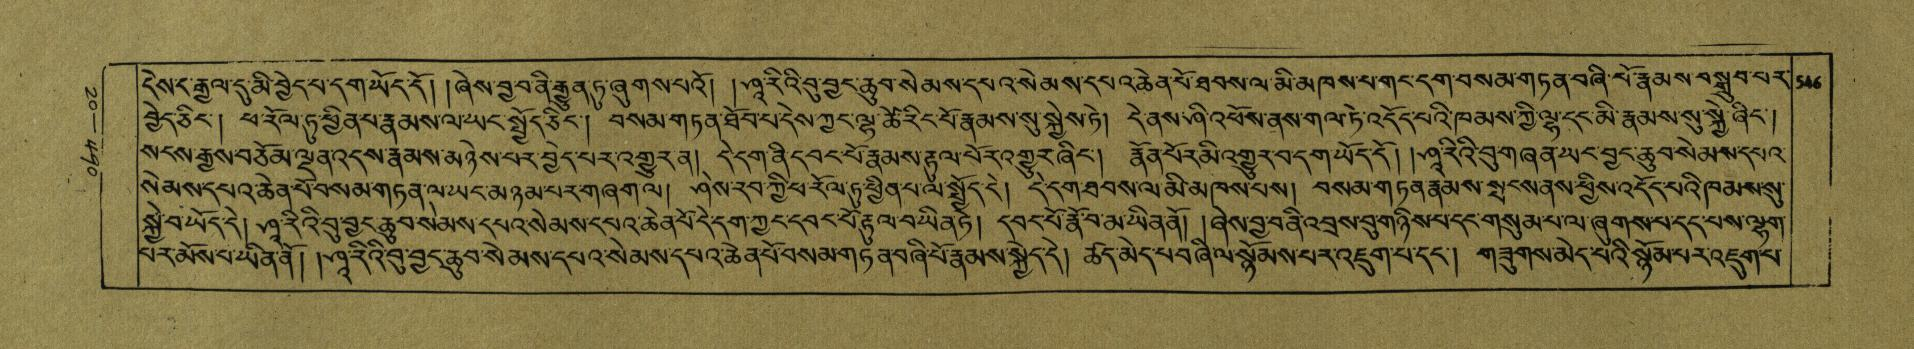ངེས་ང་རྒྱལ་དུ་མི་བྱེད་པ་དག་ཡོད་དོ། །ཞེས་བྱ་བ་ནི་རྒྱུན་ཏུ་ཞུགས་པའོ། །ཤཱ་རིའི་བུ་བྱང་ཆུབ་སེམས་དཔའ་སེམས་དཔའ་ཆེན་པོ་ཐབས་ལ་མི་མཁས་པ་གང་དག་བསམ་གཏན་བཞི་པོ་རྣམས་བསྒྲུབ་པར་
བྱེད་ཅིང་། ཕ་རོལ་ཏུ་ཕྱིན་པ་རྣམས་ལ་ཡང་སྤྱོད་ཅིང་། བསམ་གཏན་ཐོབ་པ་དེས་ཀྱང་ལྷ་ཚེ་རིང་པོ་རྣམས་སུ་སྐྱེས་ཏེ། དེ་ནས་ཤི་འཕོས་ནས་གལ་ཏེ་འདོད་པའི་ཁམས་ཀྱི་ལྷ་དང་མི་རྣམས་སུ་སྐྱེ་ཞིང་།
སངས་རྒྱས་བཅོམ་ལྡན་འདས་རྣམས་མཉེས་པར་བྱེད་པར་འགྱུར་ན། དེ་དག་ནི་དབང་པོ་རྣམས་རྟུལ་པོར་འགྱུར་ཞིང་། རྣོན་པོར་མི་འགྱུར་བ་དག་ཡོད་དོ། །ཤཱ་རིའི་བུ་གཞན་ཡང་བྱང་ཆུབ་སེམས་དཔའ་
སེམས་དཔའ་ཆེན་པོ་བསམ་གཏན་ལ་ཡང་མཉམ་པར་གཞག་ལ། ཤེས་རབ་ཀྱི་ཕ་རོལ་ཏུ་ཕྱིན་པ་ལ་སྤྱོད་དེ། དེ་དག་ཐབས་ལ་མི་མཁས་པས། བསམ་གཏན་རྣམས་སྤངས་ནས་ཕྱིས་འདོད་པའི་ཁམས་སུ་
སྐྱེ་བ་ཡོད་དེ། ཤཱ་རིའི་བུ་བྱང་ཆུབ་སེམས་དཔའ་སེམས་དཔའ་ཆེན་པོ་དེ་དག་ཀྱང་དབང་པོ་རྟུལ་བ་ཡིན་ཏེ། དབང་པོ་རྣོ་བ་མ་ཡིན་ནོ། །ཞེས་བྱ་བ་ནི་འབྲས་བུ་གཉིས་པ་དང་གསུམ་པ་ལ་ཞུགས་པ་དད་པས་ལྷག་
པར་མོས་པ་ཡིན་ནོ། །ཤཱ་རིའི་བུ་བྱང་ཆུབ་སེམས་དཔའ་སེམས་དཔའ་ཆེན་པོ་བསམ་གཏན་བཞི་པོ་རྣམས་སྐྱེད་དེ། ཚད་མེད་པ་བཞི་ལ་སྙོམས་པར་འཇུག་པ་དང་། གཟུགས་མེད་པའི་སྙོམ་པར་འཇུག་པ་